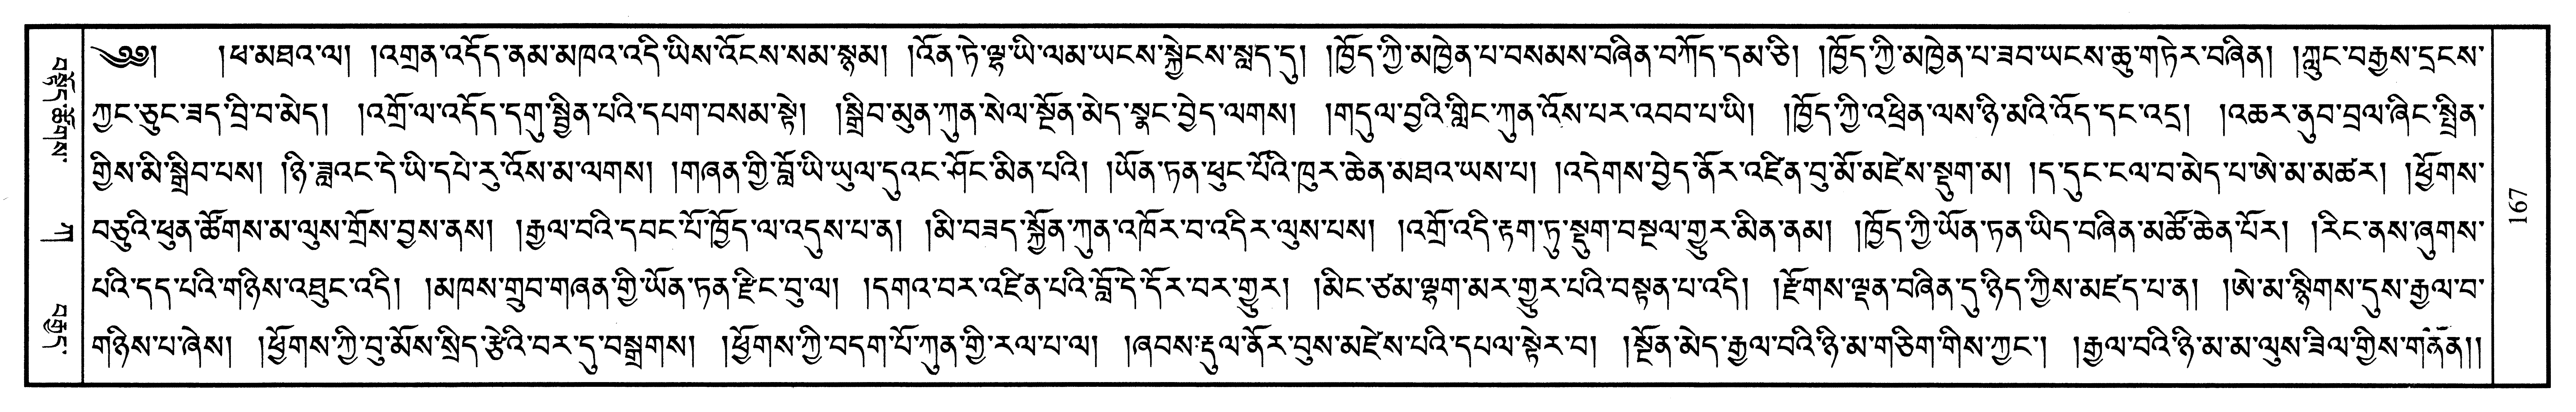༄༅། །ཕ་མཐའ་ལ། །འགྲན་འདོད་ནམ་མཁའ་འདི་ཡིས་འོངས་སམ་སྙམ། །འོན་ཏེ་ལྷ་ཡི་ལམ་ཡངས་སྐྱེངས་སླད་དུ། །ཁྱོད་ཀྱི་མཁྱེན་པ་བསམས་བཞིན་བཀོད་དམ་ཅི། །ཁྱོད་ཀྱི་མཁྱེན་པ་ཟབ་ཡངས་ཆུ་གཏེར་བཞིན། །ཀླུང་བརྒྱས་དྲངས་
ཀྱང་ཅུང་ཟད་བྲི་བ་མེད། །འགྲོ་ལ་འདོད་དགུ་སྦྱིན་པའི་དཔག་བསམ་སྟེ། །སྒྲིབ་མུན་ཀུན་སེལ་སྔོན་མེད་སྣང་བྱེད་ལགས། །གདུལ་བྱའི་གླིང་ཀུན་འོས་པར་འབབ་པ་ཡི། །ཁྱོད་ཀྱི་འཕྲིན་ལས་ཉི་མའི་འོད་དང་འདྲ། །འཆར་ནུབ་བྲལ་ཞིང་སྤྲིན་
གྱིས་མི་སྒྲིབ་པས། །ཉི་ཟླའང་དེ་ཡི་དཔེ་རུ་འོས་མ་ལགས། །གཞན་གྱི་བློ་ཡི་ཡུལ་དུའང་ཤོང་མིན་པའི། །ཡོན་ཏན་ཕུང་པོའི་ཁུར་ཆེན་མཐའ་ཡས་པ། །འདེགས་བྱེད་ནོར་འཛིན་བུ་མོ་མཛེས་སྡུག་མ། །ད་དུང་ངལ་བ་མེད་པ་ཨེ་མ་མཚར། །ཕྱོགས་
བཅུའི་ཕུན་ཚོགས་མ་ལུས་གྲོས་བྱས་ནས། །རྒྱལ་བའི་དབང་པོ་ཁྱོད་ལ་འདུས་པ་ན། །མི་བཟད་སྐྱོན་ཀུན་འཁོར་བ་འདིར་ལུས་པས། །འགྲོ་འདི་རྟག་ཏུ་སྡུག་བསྔལ་གྱུར་མིན་ནམ། །ཁྱོད་ཀྱི་ཡོན་ཏན་ཡིད་བཞིན་མཚོ་ཆེན་པོར། །རིང་ནས་ཞུགས་
པའི་དད་པའི་གཉིས་འཐུང་འདི། །མཁས་གྲུབ་གཞན་གྱི་ཡོན་ཏན་རྫིང་བུ་ལ། །དགའ་བར་འཛིན་པའི་བློ་དེ་དོར་བར་གྱུར། །མིང་ཙམ་ལྷག་མར་གྱུར་པའི་བསྟན་པ་འདི། །རྫོགས་ལྡན་བཞིན་དུ་ཉིད་ཀྱིས་མཛད་པ་ན། །ཨེ་མ་སྙིགས་དུས་རྒྱལ་བ་
གཉིས་པ་ཞེས། །ཕྱོགས་ཀྱི་བུ་མོས་སྲིད་རྩེའི་བར་དུ་བསྒྲགས། །ཕྱོགས་ཀྱི་བདག་པོ་ཀུན་གྱི་རལ་པ་ལ། །ཞབས་རྡུལ་ནོར་བུས་མཛེས་པའི་དཔལ་སྟེར་བ། །སྔོན་མེད་རྒྱལ་བའི་ཉི་མ་གཅིག་གིས་ཀྱང་། །རྒྱལ་བའི་ཉི་མ་ལུས་ཟིལ་གྱིས་གནོན། །